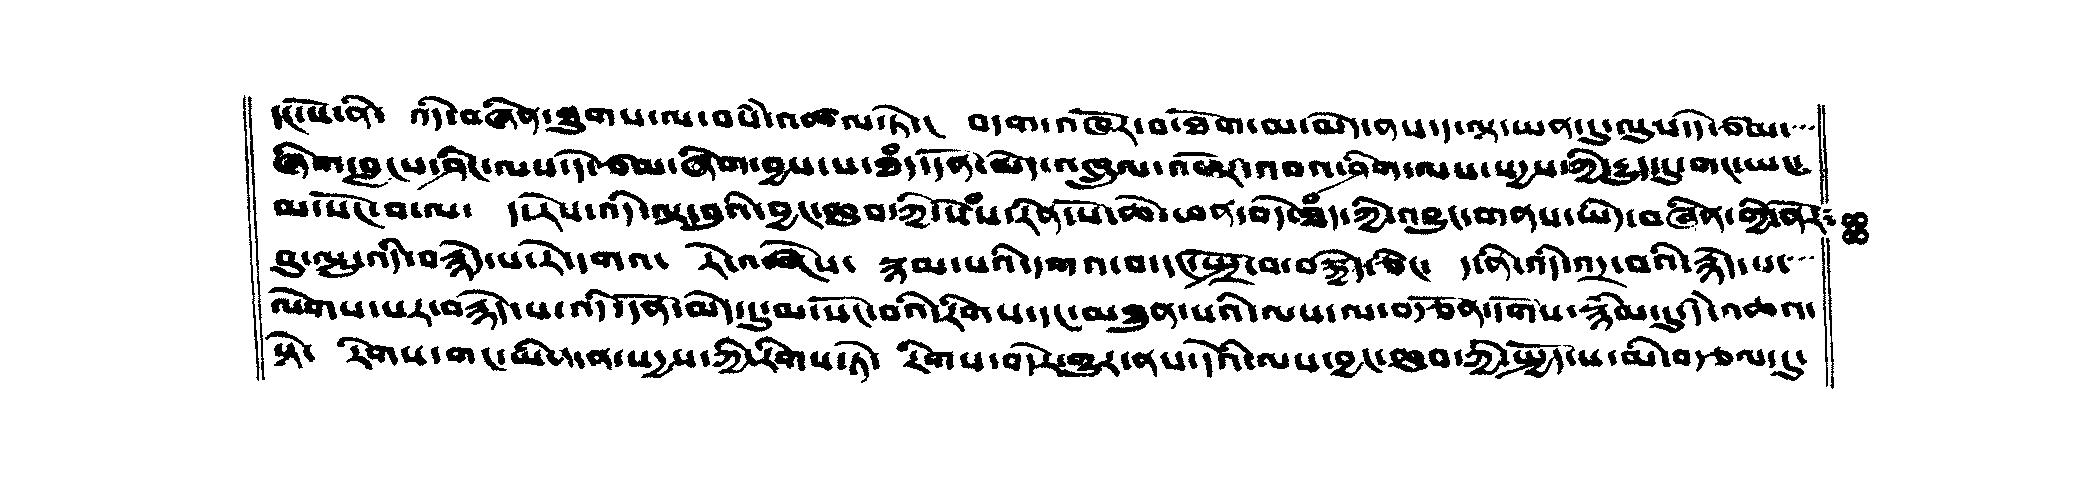དང་པོ་ནི། འདི་བཞིན་ཐུགས་ལ་བསམ་འཚལ་ཏེ། བདག་འཁོར་བ་ཐོག་མ་མེད་ནས་ད་ལྟ་ཡན་དུ་ལུས་དེ་ཙམ་ཞིག་བླངས་ཤིང་ལས་དེ་ཙམ་
ཞིག་བྱས་པ་ཐམས་ཅད་དོན་མེད་འཁྲུལ་འཁོར་འབའ་ཤིག་ལས་སངས་རྒྱས་ཀྱི་རྒྱུད་དུ་གང་ཡང་
མ་སོང་བ་ལ། ད་རེས་འདི་ལྟ་བའུའི་བྱང་ཆུབ་ཀྱི་སེམས་རིན་པོ་ཆེ་ཕན་བདེ་ཐམས་ཅད་ཀྱི་འབྱུང་གནས་ཡིད་བཞིན་གྱི་ནོར་
བུ་ལྟ་བུ་འདི་བརྙེད་པ་རེ་དགའ། རེ་འཚེངས། སྙམ་པའི་དགའ་བ་དང་སྤྲོ་བས་བསྐྱེད་ཅིང་། ད་ནི་འདི་འདྲ་བའི་རྙེད་པ་
ལེགས་པར་བརྙེད་པ་འདི་དོན་མེད་དུ་མ་སོང་བའི་རིགས་དང་དང་མཐུན་པའི་ལས་ལ་བརྩོན་དགོས་སྙམ་དུ་དམ་འཆའ་
སྟེ། རིགས་གང་ཡིན་ན་སངས་རྒྱས་ཀྱི་རིགས་ཏེ། རིགས་བདེ་གྱུར་ནས་དེའི་ལས་བྱང་ཆུབ་ཀྱི་སྤྱོད་པ་མི་བརྩལ་དུ་